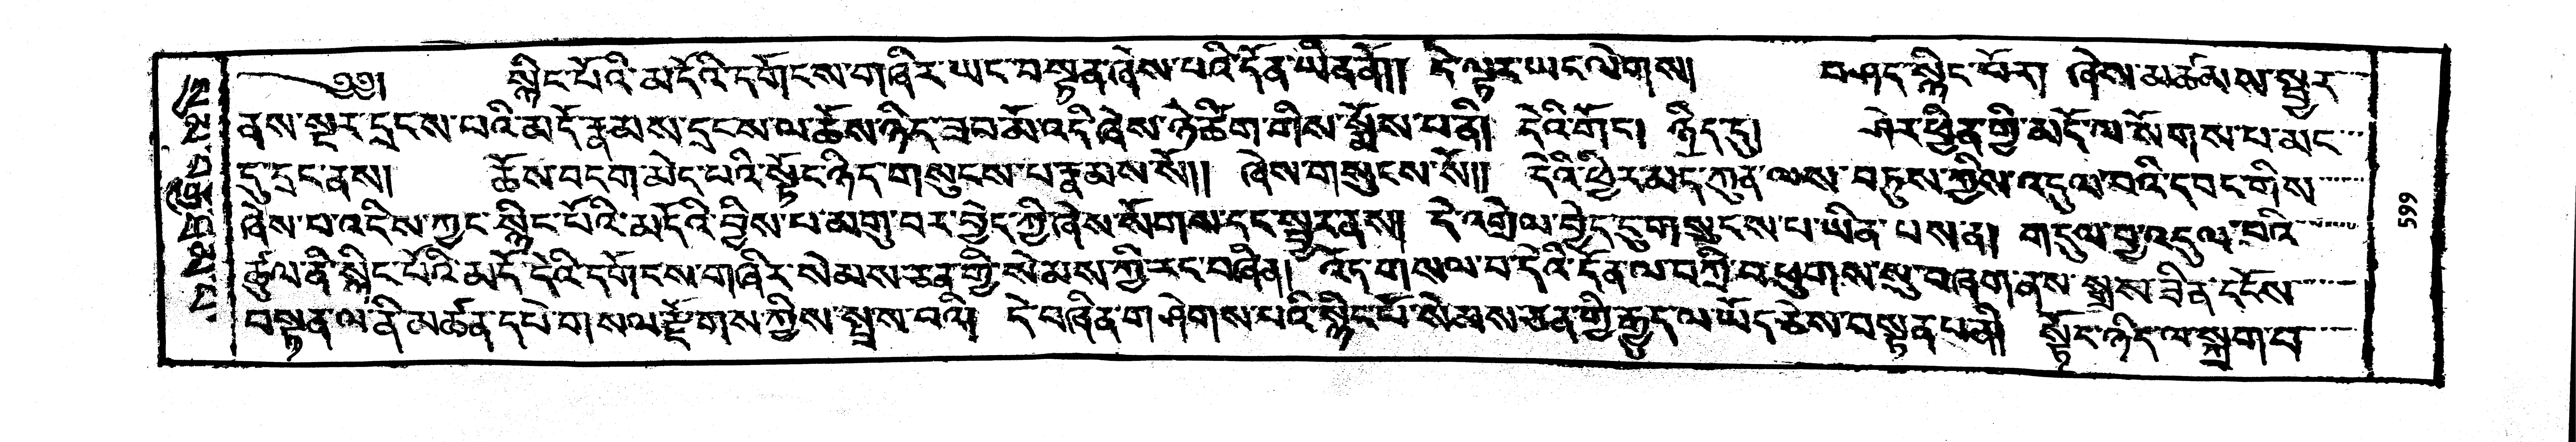༄༅། །སྙིང་པོའི་མདོའི་དགོངས་གཞིར་ཡང་བསྟན་ཞེས་པའི་དོན་ཡིན་ནོ། །དེ་ལྟར་ཡང་ལེགས། བཤད་སྙིང་པོར། ཞེས་མཚམས་སྦྱར་
ནས་སྔར་དྲངས་པའི་མདོ་རྣམས་དྲངས་ལ་ཆོས་ཉིད་ཟབ་མོ་འདི་ཞེས་ཉེ་ཚིག་གིས་སྨོས་པ་ནི། དེའི་གོང་། ཉིད་དུ། ཤེར་ཕྱིན་གྱི་མདོ་ལ་སོགས་པ་མང་
དུ་དྲང་ནས། ཆོས་བདག་མེད་པའི་སྟོང་ཉིད་གསུངས་པ་རྣམས་སོ། །ཞེས་གསུངས་སོ། །དེའི་ཕྱིར་མདོ་ཀུན་ལས་བཏུས་ཀྱིས་འདུལ་བའི་དབང་གིས་
ཞེས་པ་འདིས་ཀྱང་སྙིང་པོའི་མདོའི་བྱིས་པ་མགུ་བར་བྱེད་ཀྱི་ཞེས་སོགས་དང་སྦྱར་ནས། དེ་འགྲེལ་བྱེད་དུ་གསུངས་པ་ཡིན་པས་ན། གདུལ་བྱ་འདུལ་བའི་
ཚུལ་ནི་སྙིང་པོའི་མདོ་དེའི་དགོངས་གཞིར་སེམས་ཅན་གྱི་སེམས་ཀྱི་རང་བཞིན། འོད་གསལ་བ་དེའི་དོན་ལ་བཀྲི་བ་ཕུགས་སུ་བཞག་ནས་སྒྲས་ཟིན་དངོས་
བསྟན་ལ་ནི་མཚན་དཔེ་གསལ་རྫོགས་ཀྱིས་སྤྲས་བའི། དེ་བཞིན་གཤེགས་པའི་སྙིང་པོ་སེམས་ཅན་གྱི་རྒྱུད་ལ་ཡོད་ཅེས་བསྟན་པ་ནི། སྟོང་ཉིད་ལ་སྐྲག་པ་